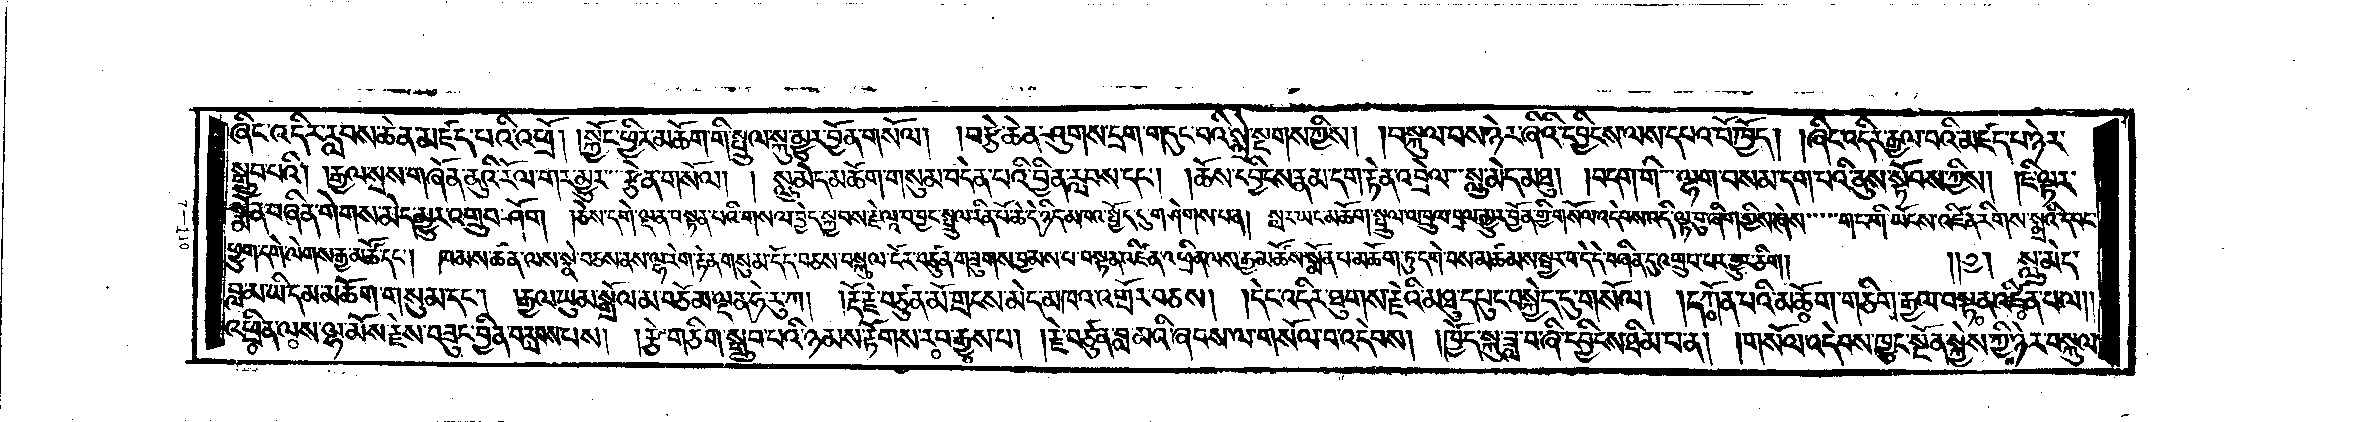ཞིང་འདིར་རླབས་ཆེན་མཛད་པའི་འཕྲོ། །སྐྱོང་ཕྱིར་མཆོག་གི་སྤྲུལ་སྐུ་མྱུར་བྱོན་གསོལ། །བརྩེ་ཆེན་ཤུགས་དྲག་གདུང་བའི་སྨྲེ་སྔགས་ཀྱིས། །བསྐུལ་བས་ཉེར་ཞིའི་དབྱིངས་ལས་དཔའ་བོ་ཁྱོད། །ཞིང་འདིར་རྒྱལ་བའི་མཛད་པ་ཉེར་
སྒྲུབ་པའི། །རྒྱལ་སྲས་གཞོན་ནུའི་རོལ་གར་མྱུར་རྩེན་གསོལ། །སླུ་མེད་མཆོག་གསུམ་བདེན་པའི་བྱིན་རླབས་དང་། །ཆོས་དབྱིངས་རྣམ་དག་རྟེན་འབྲེལ་སླུ་མེད་མཐུ། །བདག་གི་ལྷག་བསམ་དག་པའི་ནུས་སྟོབས་ཀྱིས། །ཇི་ལྟར་
སྨོན་བཞིན་གེགས་མེད་མྱུར་འགྲུབ་ཤོག །ཅེས་དགེ་ལྡན་བསྟན་པའི་གསལ་བྱེད་སྐྱབས་རྗེ་ལཱ་བ་བྱང་སྤྲུལ་རིན་པོ་ཆེ་དེ་ཉིད་མཁའ་སྤྱོད་དུ་གཤེགས་པ་ན། སླར་ཡང་མཆོག་སྤྲུལ་འཁྲུལ་བྲལ་མྱུར་བྱོན་གྱི་གསོལ་འདེབས་འདི་ལྟ་བུ་ཞིག་གྱིས་ཞེས་གང་གི་ཡོངས་འཛིན་རིགས་སྨྲའི་དབང་
ཕྱུག་དགེ་ལེགས་རྒྱ་མཚོ་དང་། ཁམས་ཚན་ལས་སྣེ་བཅས་ནས་ལྷ་རེག་རྟེན་གསུམ་དོད་བཅས་བསྐུལ་ངོར་བཙུན་གཟུགས་བྱམས་པ་བསྟན་འཛིན་འཕྲིན་ལས་རྒྱ་མཚོས་སྨོན་པ་མཆོག་ཏུ་གདེབས་མཚམས་སྦྱར་བ་དེ་དེ་བཞིན་དུ་འགྲུབ་པར་གྱུར་ཅིག ། །།༈ ། སླུ་མེད་
བླ་མ་ཡི་དམ་མཆོག་གསུམ་དང་། །རྒྱལ་ཡུམ་སྒྲོལ་མ་བཅོམ་ལྡན་ཧེ་རུ་ག། །རྡོ་རྗེ་བཙུན་མོ་གྲངས་མེད་མཁའ་འགྲོར་བཅས། །དེང་འདིར་ཐུགས་རྗེའི་མཁུ?་དཔུང་བསྐྱེད་དུ་གསོལ། །དཀོན྾་པའི་མཆོག྾་གཅིག་རྒྱལ་བསྟན྾་འཛིན྾་པ་ལ།།
འཕྲིན྾་ལས྾་ལྷ་མོས་རྗེས་བཟུང་བྱིན་བརླབས་པས། །རྩེ་གཅིག་སྒྲུབ་པའི་ཉམས་རྟོགས་རབ྾་རྒྱས྾་པ། །རྗེ་བཙུན་བླ་མའི་ཞབས་ལ་གསོལ་བ་འདེབས། །ཁྱོད་སྐུ་ཟླ་བ་ཞི་དབྱིངས་ཐིམ་པ་ན། །གསོལ་འདེབས་ཁྱུང་སྔོན་སྐྱེས་ཀྱི་ཉེར་བསྐུར་